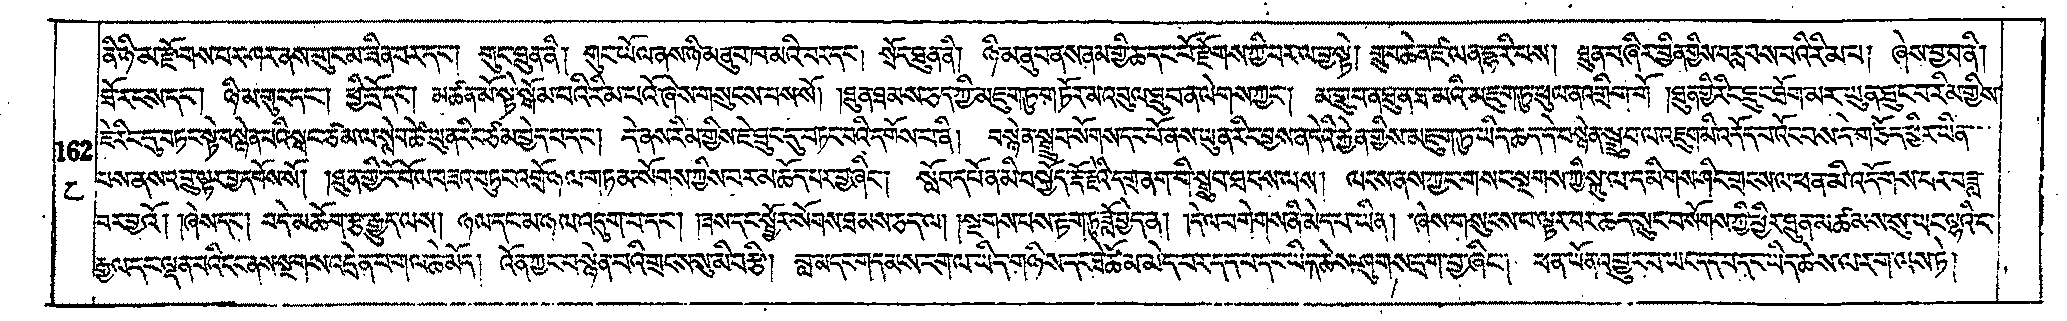ནི་ཉི་མ་རྫོགས་པར་ཤར་ནས་གུང་མ་ཟིན་བར་དང་། གུང་ཐུན་ནི། གུང་ཡོལ་ནས་ཉི་མ་ནུབ་ཁ་མའི་བར་དང་། སྲོད་ཐུན་ནི། ཉི་མ་ནུབ་ནས་ནམ་གྱི་ཆ་དང་པོ་རྫོགས་ཀྱི་བར་ལ་བྱ་སྟེ། གྲུབ་ཆེན་ཛ་ལན་དྷ་རི་པས། ཐུན་བཞིར་བྱིན་གྱིས་བརླབས་པའི་རིམ་པ། ཞེས་བྱ་བ་ནི།
ཐོ་རངས་དང་། ཉི་མ་གུང་དང་། ཕྱི་དྲོ་དང་། མཚན་མོ་སྟེ་སྒོམ་པའི་རིམ་པའོ་ཞེས་གསུངས་པས་སོ། །ཐུན་ཐམས་ཅད་ཀྱི་མཇུག་ཏུ་གཏོར་མ་འབུལ་ཐུབ་ན་ལེགས་ཀྱང་། མ་གྲུབ་ན་ཐུན་ཐ་མའི་མཇུག་ཏུ་ཕུལ་ན་འགྲིག་གོ །ཐུན་གྱི་རིང་ཐུང་ཐོག་མར་ཡུན་ཐུང་བ་རིམ་གྱིས་
ཇེ་རིང་དུ་བཏང་སྟེ་བསྙེན་པའི་སྒང་ཙམ་ལ་སླེབ་ཚེ་ཡུན་རིང་ཙམ་བྱེད་པ་དང་། དེ་ནས་རིམ་གྱིས་ཇི་ཐུང་དུ་བཏང་བའི་དགོས་པ་ནི། བསྙེན་སྒྲུབ་སོགས་དང་པོ་ནས་ཡུན་རིང་བྱས་ན་དེའི་རྐྱེན་གྱིས་མཇུག་ཏུ་ཡིད་ཆད་དེ་བསྙེན་སྒྲུབ་ལ་འཇུག་མི་འདོད་པ་འོང་བས་དེ་གཅོད་ཕྱིར་ཡིན་་་
པས་ནས་འབྲུ་ལྟར་བྱ་དགོས་སོ། །ཐུན་གྱི་ངོ་བོ་ལ་བཟའ་བཏུང་འགྲོ་ཉལ་གཏམ་སོགས་ཀྱིས་བར་མ་ཆོད་པར་བྱ་ཞིང་། སློབ་དཔོན་མི་བསྐྱོད་རྡོ་རྗེའི་དགྲ་ནག་གི་སྒྲུབ་ཐབས་ལས། ལྔས་ནས་ཀྱང་གསང་སྔགས་ཀྱི་སྐུ་ལ་དམིགས་ཤིང་གྲངས་ཕན་མི་འདོགས་བར་བཟླ་
བར་བྱའོ། །ཞེས་དང་། བདེ་མཆོག་རྩ་རྒྱུད་ལས། ཉལ་དང་མ་ཉལ་འདུག་པ་དང་། །ཟས་དང་སྦྱོར་སོགས་ཐམས་ཅད་ལ། །སྔགས་པས་རྟག་ཏུ་ཟློ་བྱེད་ན། །དེ་ལ་བགེགས་ནི་མེད་པ་ཡིན། །ཞེས་གསུངས་པ་ལྟར་བར་ཆད་སྲུང་བ་སོགས་ཀྱི་ཕྱིར་ཐུན་མཚམས་སུ་ཡང་ལྷའི་ང་
རྒྱལ་དང་ལྡན་པའི་ངང་ནས་སྔགས་འདྲེན་པ་གལ་ཆེ་མོད། འོན་ཀྱང་བསྙེན་པའི་གྲངས་སུ་མི་བརྩི། བླ་མ་དང་གདམས་ངག་ལ་ཡིད་གཉིས་དང་ཐེ་ཚོམ་མེད་པར་དད་པ་དང་ཡིད་ཆེས་ཤུགས་དྲག་བྱ་ཞིང་། ཕན་ཡོན་འབྱུང་བ་ཡང་དད་པ་དང་ཡིད་ཆེས་ལ་རག་ལས་ཏེ།